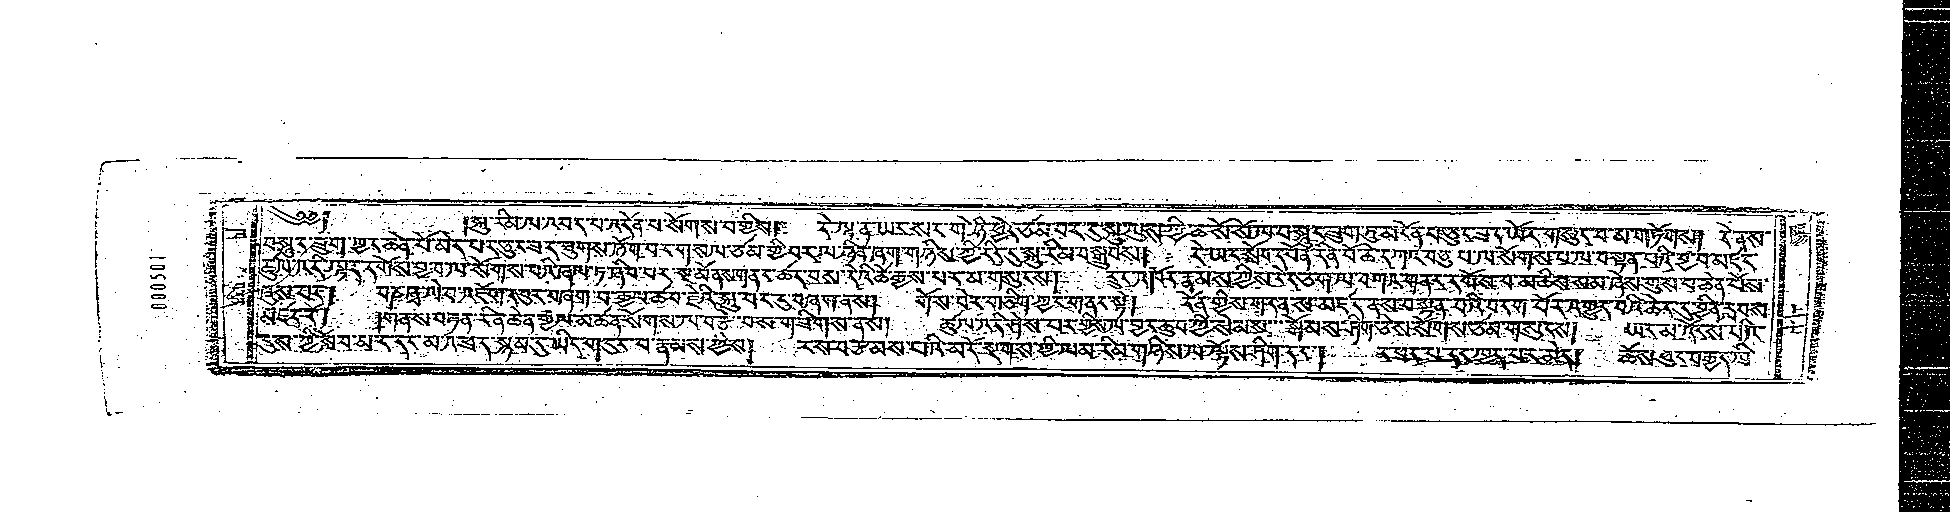༄༅། །སྐུ་རིམ་ལ་འབད་པ་འདོན་པ་སོགས་བགྱིས། དེ་ལྟ་ན་ཡང་སང་གི་ཉི་ཕྱེད་ཙམ་བར་དུ་སྐུ་ལུས་ཀྱི་ཆ་སོ་སོ་ལ་བསྙུང་ཟུག་ཏུ་མངོན་པ་ཅུང་ཟད་ཡོང་གསུང་བ་མ་གཏོགས། དེ་ནས་
བསྙུང་ཟུག་ཀྱང་ཆེན་པོ་མེད་པར་ཅུང་ཟད་ཐུགས་ཉོག་བར་གསལ་ཙམ་གྱི་བར་ལ་ཉིན་ཞག་གཉིས་ཀྱི་རིང་དུ་སྐུ་རིམ་བསྒྲུབས། དེ་ཡང་སློབ་དཔོན་རིན་པོ་ཆེ་དཀའ་བཅུ་པ་ལ་སོགས་པ་ལ་བསྟན་པའི་བྱ་བ་མཛད་
ཚུལ་འདི་ལྟར་དགོས་བྱ་བ་ལ་སོགས་པའི་ཞལ་ཏ་ཞིབ་པར་སྔ་མོ་ནས་གནང་ཚད་བས་དེའི་ཚེ་རྒྱས་པར་མ་གསུངས། དྲུང་འཁོར་རྣམས་ཀྱིས་ངེད་ཅག་ལ་བཀའ་གནང་དགོས་པ་མཆིས་སམ་ཞེས་གུས་པ་ཆེན་པོས་
ཞུས་པར། བཎ་ཞྭ་ལེ་བ་འཇོག་དབུར་བཞག་པ་རྒྱལ་ཚབ་རྗེའི་སྐུ་པར་དུ་བཞག་ནས། གོས་བེར་གཅིག་ཀྱང་གནང་སྟེ། དོན་གྱིས་གདན་ནས་མཛད་ནས་བསྟན་པའི་བདག་པོར་འགྱུར་བའི་ཆེད་དུ་བྱིན་རླབས་
མཛད་རོ། །གནས་བརྟན་རིན་ཆེན་རྒྱལ་མཚན་སོགས་ལ་བརྩེ་བས་གཟིགས་ནས། ཚུལ་འདི་ཤེས་པར་གྱིས་ལ་བྱང་ཆུབ་ཀྱི་སེམས་སྒོམས་ཤིག་ཅེས་སོགས་ཙམ་གསུངས། ཡང་མ་འོངས་པའི་
དུས་ཀྱི་སློབ་མ་ང་དང་མ་འཕྲད་སྙམ་དུ་ཡིད་གདུང་པ་རྣམས་ཀྱིས། ངས་བརྩམས་པའི་མདོ་སྔགས་ཀྱི་ལམ་རིམ་གཉིས་ལ་ལྟོས་ཤིག་དང་། ང་ཕྲད་པ་དང་ཁྱད་པར་མེད། ཆོས་ཕུང་བརྒྱད་ཁྲི་